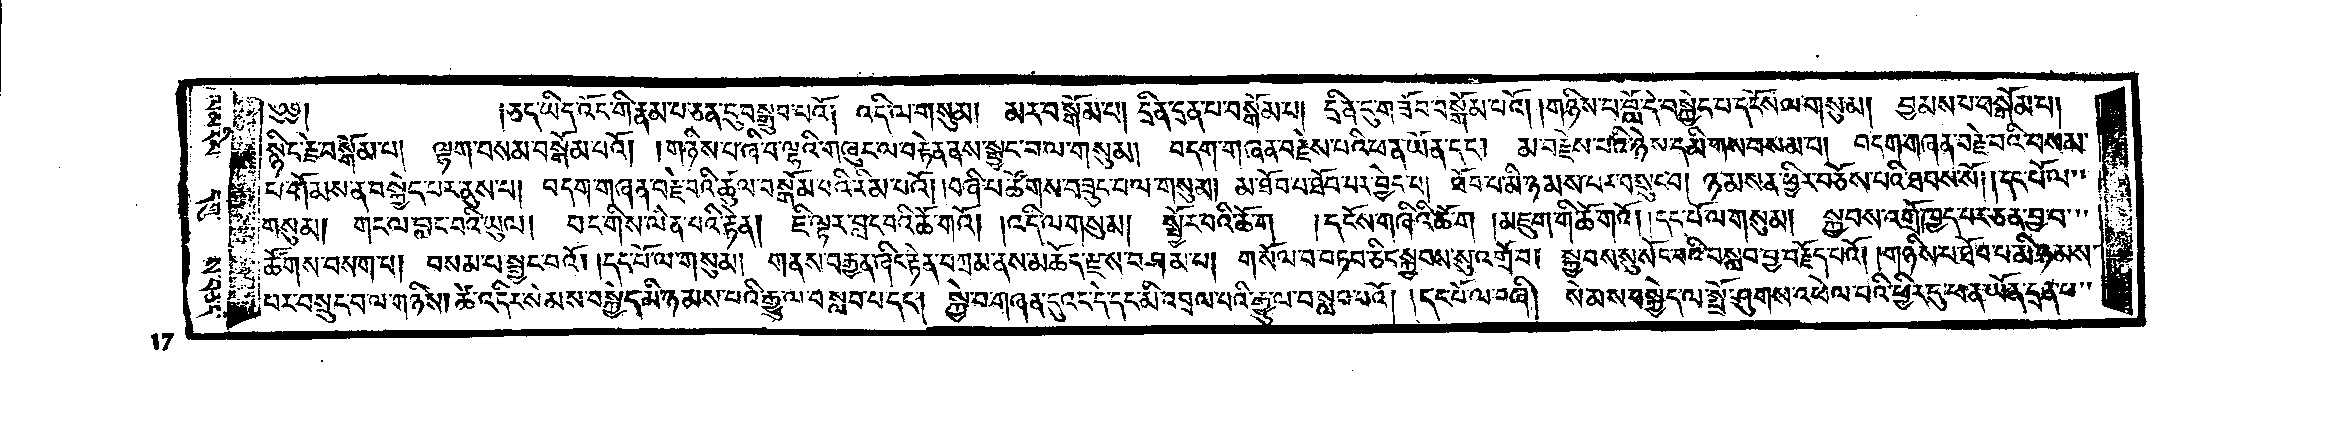༄༅། །ཅད་ཡིད་འོང་གི་རྣམ་པ་ཅན་དུ་བསྒྲུབ་པའོ། འདི་ལ་གསུམ། མར་བསྒོམ་པ། དྲིན་དྲན་པ་བསྒོམ་པ། དྲིན་དུ་གཟོ་བ་བསྒོམ་པའོ། །གཉིས་པ་བློ་དེ་བསྐྱེད་པ་དངོས་ལ་གསུམ། བྱམས་པ་བསྒོམ་པ།
སྙིང་རྗེ་བསྒོམ་པ། ལྷག་བསམ་བསྒོམ་པའོ། །གཉིས་པ་ཞི་བ་ལྷའི་གཞུང་ལ་བརྟེན་ནས་སྦྱང་བ་ལ་གསུམ། བདག་གཞན་བརྗེས་པའི་ཕན་ཡོན་དང་། མ་བརྗེས་པའི་ཉེས་དམིགས་བསམ་པ། བདག་གཞན་བརྗེ་བའི་བསམ་
པ་གོམས་ན་བསྐྱེད་པར་ནུས་པ། བདག་གཞན་བརྗེ་བའི་ཚུལ་བསྒོམ་པའི་རིམ་པའོ། །བཞི་པ་ཚོགས་བཟུང་བ་ལ་གསུམ། མ་ཐོབ་པ་ཐོབ་པར་བྱེད་པ། ཐོབ་པ་མི་ཉམས་པར་བསྲུང་བ། ཉམས་ན་ཕྱིར་བཅོས་པའི་ཐབས་སོ། །དང་པོ་ལ་
གསུམ། གང་ལ་བླང་བའི་ཡུལ། གང་གིས་ལེན་པའི་རྟེན། ཇི་ལྟར་བླང་བའི་ཆོ་གའོ། །འདི་ལ་གསུམ། སྦྱོར་བའི་ཆོ་ག །དངོས་གཞིའི་ཆོ་ག །མཇུག་གི་ཆོ་གའོ། །དང་པོ་ལ་གསུམ། སྐྱབས་འགྲོ་ཁྱད་པར་ཅན་བྱ་བ་
ཚོགས་བསག་པ། བསམ་པ་སྦྱང་བའོ། །དང་པོ་ལ་གསུམ། གནས་བརྒྱན་ཞིང་རྟེན་བཀྲམ་ནས་མཆོད་རྫས་བཤམ་པ། གསོལ་བ་བཏབ་ཅིང་སྐྱབས་སུ་འགྲོ་བ། སྐྱབས་སུ་སོང་བའི་བསླབ་བྱ་བརྗོད་པའོ། །གཉིས་པ་ཐོབ་པ་མི་ཉམས་
པར་བསྲུང་བ་ལ་གཉིས། ཚེ་འདིར་སེམས་བསྐྱེད་མི་ཉམས་པའི་རྒྱུ་ལ་བསླབ་པ་དང་། སྐྱེ་བ་གཞན་དུའང་དེ་དང་མི་འབྲལ་བའི་རྒྱུ་ལ་བསླབ་པའོ། །དང་པོ་ལ་བཞི། སེམས་བསྐྱེད་ལ་སྤྲོ་ཤུགས་འཕེལ་བའི་ཕྱིར་དུ་ཕན་ཡོན་དྲན་པ་